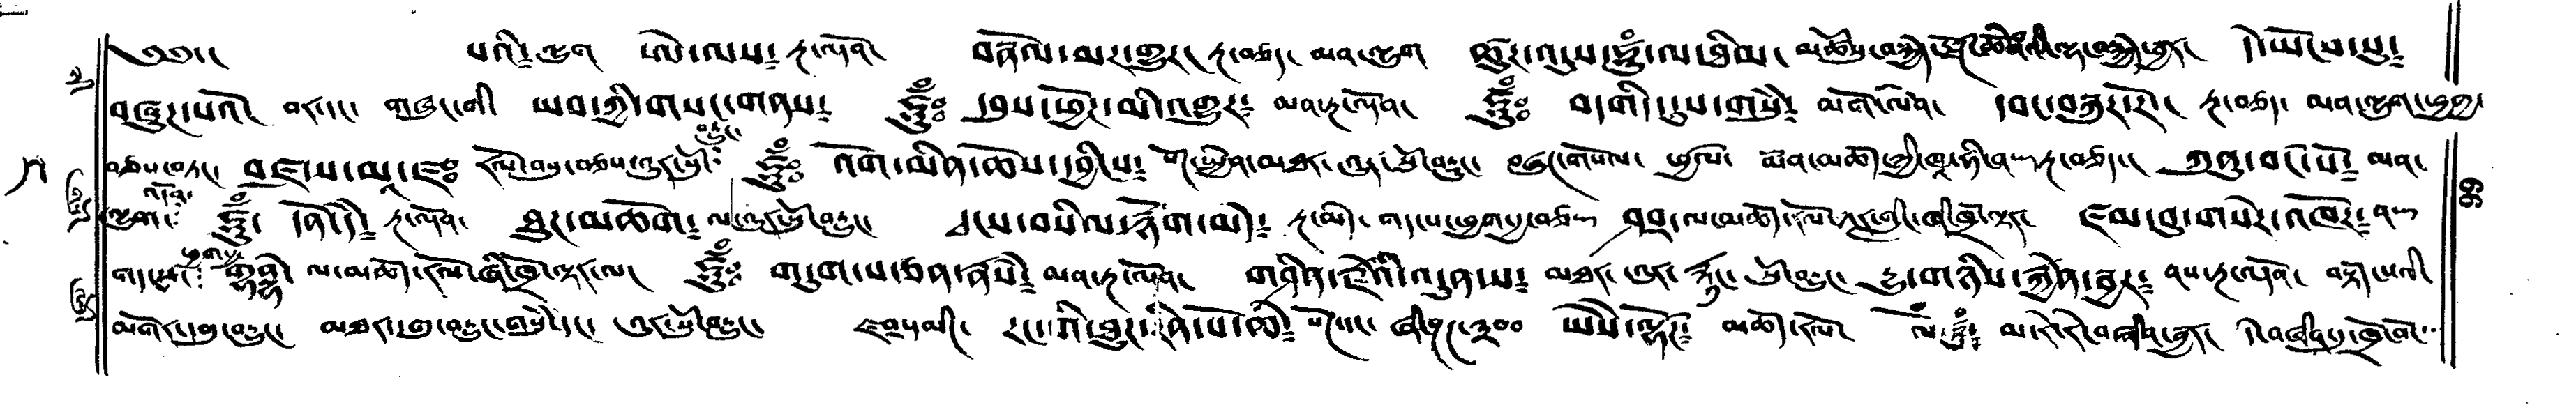༩༩༽པའི༴ ལྷུག ཨེ་ལས༴ རྔ་འདོན། བསྣོལ་མར་གྱུར། རྔ་གཅད། མན་ལྷུག ཚུར་འདུས་ཧཱུྃ་ལ་ཐིམ༴ མཚམས་སུ་སྐྱེད་རྫོགས་ཆེན་པོ་ནམ་མཁའི་ལྷ་སྐྱེད་སྦྱར། དེ་ཡོངས་སུ༴ 
བཞུགས་པའོ༔ བར་དང་། གཞུང་གི ཡབ་ཀྱི་གསང་གནས༴ ཧཱུྃ༔ དབུས་ཕྱོགས་མི་འགྱུར༴ མན་རྔ་འདོན། ཧཱུྃ༔ བདག་ཉིད་དུས་གསུམ༴ མགོ་ལེན། དབང་བསྐུར་རོ༔ རྔ་གཅད། མན་ལྷུག་ཕྱག་
རྒྱ་བཅས་གཏང་། བཛྲ་ས་མཱ་ཛ༔ རོལ་བསུ་བཅས་འུར་སུམ་རྡུང་། ཧཱུྃ༔ འོག་མིན་ཆོས་དབྱིངས༴ སོགས་སྤྱན་འདྲེན་མཐར། འུར། སུམ་རྡུང་། བཞུགས་གསོལ། ཕྱག་འཚལ། སྨན་མཆོད་ཀྱ ི་ཁཱ་ཧི༴ ནས། རྔ་གཅད། ཀུན་ཏུ་བཟང་པོ༴ མན་
ལྷུག་འདོན། ཧཱུྃ༔ དོན་དམ༴ རྔ་འདོན། ཐུགས་མཆོག༴ ལ་འུར་སུམ་རྡུང་། དྭངས་བསིལ་རྙོག་མེད༴ རྔ་མེད། གདངས་ཕྱག་རྒྱ་བཅས། ཤབྡ་ལ་མཆོད་རོལ་ཀར་གླིང་ཞི་ཁྲོ་ལྟར། འཛམ་བུ་གསེར་འཁོར༴ ནས། 
གདངས་ཕྱག་རྒྱ། གྷནྡྷེ༴ ལ་མཆོད་རོལ་ཞི་ཁྲོ་ལྟར་ལ། ཧཱུྃ༔ གདུག་པ་ཅན་རྣམས༴ མན་རྔ་འདོན། གཤིན་རྗེའི་འདུན་ས༴ མཐར། འུར། རྐང་གཅིག སུམ་རྡུང་། རྒྱུ་གཉིས་རྐྱེན་སྦྱར༴ ནས་རྔ་འདོན། བསྟོད་པའི་
འགོར་དགུ་རྡུང་། མཐར་དགུ་རྡུང་གསུམ་དང་། འུར་གསུམ་རྡུང་། ཛབ་དམིགས། རང་གི་ཐུགས་རིན་པོ་ཆེ༴ སོགས་དང་། ཞི་སྔགས་སུམ་བརྒྱ། ཡེ་ཤེས་ལྷ་ཚོགས༴ མཆོད་རོལ་ཨོཾ་ཧཱུྃ་མ་རེ་རེ་བཞིན་སྦྱར། དེ་བཞིན་དུ་ཁྲོ་བོ་